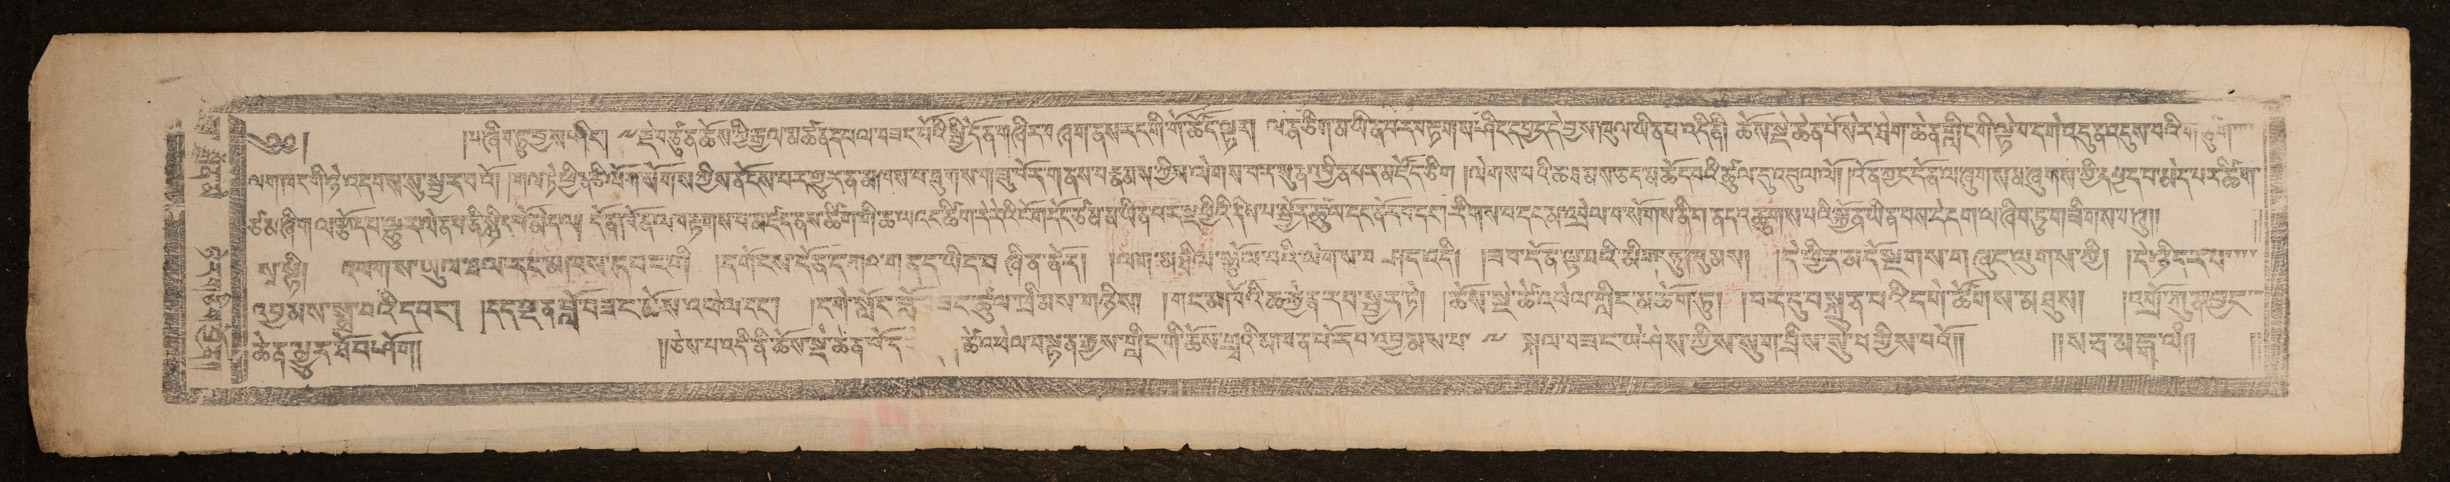༄༅། །བཞིབ་ཏུ་བྱས་ཤིང་། ༧རྗེ་བཙུན་ཆོས་ཀྱི་རྒྱལ་མཚན་དཔལ་བཟང་པོའི་སྤྱི་དོན་གཞིར་བཞག་ནས་རང་གི་གོ་ཚོད་ལྟར། ལན་ཅིག་མ་ཡིན་པར་བརྟགས་ཤིང་དཔྱད་དེ་བྱས་ཁུལ་ཡིན་པ་འདི་ནི། ཆོས་སྡེ་ཆེན་པོ་སེ་ར་ཐེག་ཆེན་གླིང་གི་ལྟེ་བ་དགེ་འདུན་འདུས་པའི་གཙུག་
ལག་ཁང་གི་ཉེ་འདབས་སུ་སྦྱར་བའོ། །གལ་ཏེ་ཕྱིན་ཅི་ལོག་སོགས་ཀྱིས་ནོངས་པར་གྱུར་ན་མཁས་པ་ཐུགས་གཟུ་པོར་གནས་པ་རྣམས་ཀྱིས་ལེགས་པར་སུན་འབྱིན་པར་མཛོད་ཅིག །ལེགས་པའི་ཆ་ཐམས་ཅད་མཆོད་པའི་ཚུལ་དུ་འབུལ་ལོ། །འོན་ཀྱང་དོན་ལ་ཞུགས་མ་ཞུགས་ཀྱི་དཔྱད་པ་མེད་པར་ཚིག་
ཙམ་ཞིག་ལ་རྩོད་པ་ལྷུར་ལེན་པ་ནི་སྙིང་པོ་མེད་ལ། དོན་ཁོ་ན་ལ་བརྟགས་པ་མཛད་ནས་ཚིག་གི་ཆ་ལའང་ཚིག་རེ་རེའི་ངོ་གདོང་ཙམ་མ་ཡིན་པར་སྔ་ཕྱིའི་ནུས་པ་སྦྱོར་ཚུལ་དང་ནོར་བ་དང་། རིགས་པ་དང་མ་འབྲེལ་བ་སོགས་ནི་གནད་འཆུགས་པའི་སྐྱོན་ཡིན་པས་དེ་དག་ལ་ཞིབ་ཏུ་གཟིགས་པ་ཞུ།། །།
སྭ་སྟི། འཕགས་ཡུལ་ཐལ་རང་མཁས་དབང་གི །དགོངས་དོན་དཀའ་གནད་ཡིད་བཞིན་ནོར། །ལག་མཐིལ་སྩོལ་བའི་ལེགས་བཤད་འདི། །ཟབ་དོན་ལྟ་བའི་མིག་ཏུ་ཁུམས། །དེ་ཕྱིར་མདོ་སྔགས་གཞུང་སྤྱི་དང་། །ཐ་སྙད་རིག་པའི་
ཕྲེང་འཛིན་པའི། །གཞུང་ལུགས་རབ་འབྱམས་སྨྲ་བའི་དབང་། །བཤེས་གཉེན་བྱམས་པ་འོད་ལྡན་གྱིས། །གང་མཁོའི་ཆ་རྐྱེན་རབ་སྦྱར་ཏེ། །ཆོས་སྡེ་ཆེན་པོ་སྐུ་འབུམ་དུ། །པར་དུ་བསྐུན་པའི་དགེ་ཚོགས་མཐུས། །འགྲོ་ཀུན་བྱང་
ཆེན་མྱུར་ཐོབ་ཤོག ། །། ཅེས་པ་འདི་ནི་སྙོམ་ལས་པ་དབྱངས་ཅན་དགའ་བའི་བློ་གྲོས་ཀྱིས་སུག་བྲིས་སུ་བགྱིས་པའོ།།  །།སརྦ་མངྒ་ལཾ།། །།